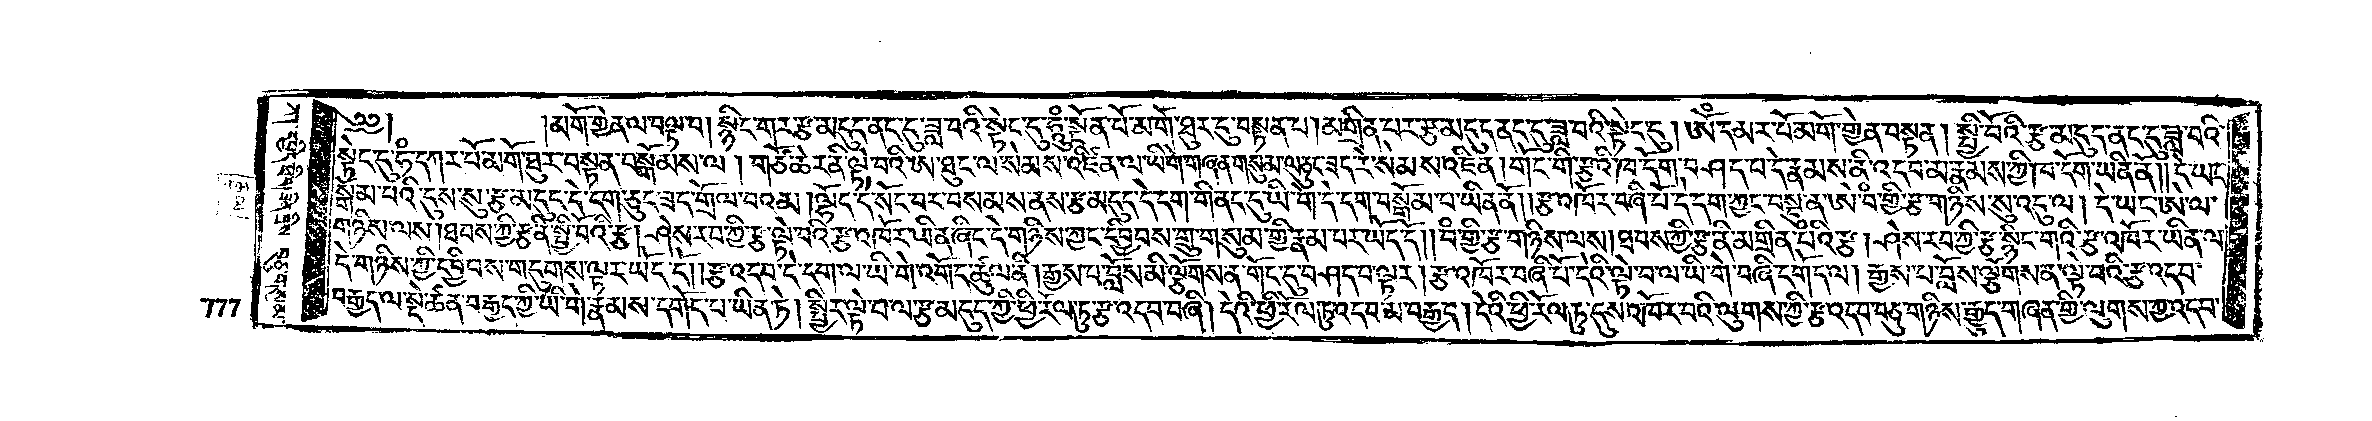༄༅། །མགོ་གྱེན་ལ་བལྟ་བ། སྙིང་གར་རྩ་མདུད་ནང་དུ་ཟླ་བའི་སྟེང་དུ་ཧཱུཾ་སྔོན་པོ་མགོ་ཐུར་དུ་བསྟན་པ། མགྲིན་པར་རྩ་མདུད་ནང་དུ་ཟླ་བའི་སྟེང་དུ། ཨོཾ་དམར་པོ་མགོ་གྱེན་བསྟན། སྤྱི་བོའི་རྩ་མདུད་ནང་དུ་ཟླ་བའི་
སྟེང་དུ་ཧཾ་དཀར་པོ་མགོ་ཐུར་བསྟན་བསྒོམས་ལ། གཙོ་ཆེར་ནི་ལྟེ་བའི་ཨ་ཐུང་ལ་སེམས་འཛིན་ལ་ཡི་གེ་གཞན་གསུམ་ལ་ཅུང་ཟད་རེ་སེམས་འཛིན། གོང་གི་རྩའི་ཁ་དོག་བཤད་པ་དེ་རྣམས་ནི་འདབ་མ་རྣམས་ཀྱི་ཁ་དོག་ཡིན་ནོ། །དེ་ཡང་
སྒོམ་པའི་དུས་སུ་རྩ་མདུད་དེ་དག་ཅུང་ཟད་གྲོལ་བའམ། ལྷོད་དེ་སོང་བར་བསམས་ནས་རྩ་མདུད་དེ་དག་གི་ནང་དུ་ཡི་གེ་དེ་དག་བསྒོམ་པ་ཡིན་ནོ། །རྩ་འཁོར་བཞི་པོ་དེ་དག་ཀྱང་བསྡུ་ན་ཨེ་བཾ་གྱི་རྩ་གཉིས་སུ་འདུ་ལ། དེ་ཡང་ཨེ་ལ་
གཉིས་ལས། ཐབས་ཀྱི་རྩ་ནི་སྤྱི་བོའི་རྩ། ཤེས་རབ་ཀྱི་རྩ་ལྟེ་བའི་རྩ་འཁོར་ཡིན་ཞིང་དེ་གཉིས་ཀྱང་དབྱིབས་གྲུབ་གསུམ་གྱི་རྣམ་པར་ཡོད་དོ། །བཾ་གྱི་རྩ་གཉིས་ལས། ཐབས་ཀྱི་རྩ་ནི་མགྲིན་པའི་རྩ། ཤེས་རབ་ཀྱི་རྩ་སྙིང་གའི་རྩ་འཁོར་ཡིན་ལ་
དེ་གཉིས་ཀྱི་དབྱིབས་གདུགས་ལྟར་ཡོད་དོ། །རྩ་འདབ་དེ་དག་ལ་ཡི་གེ་འགོད་ཚུལ་ནི། རྒྱས་པ་བློས་མི་ལྕོགས་ན་གོང་དུ་བཤད་པ་ལྟར། རྩ་འཁོར་བཞི་པོ་དེའི་ལྟེ་བ་ལ་ཡི་གེ་བཞི་དགོད་ལ། རྒྱས་པ་བློས་ལྕོགས་ན་ལྟེ་བའི་རྩ་འདབ་
བརྒྱད་ལ་སྡེ་ཚན་བརྒྱད་ཀྱི་ཡི་གེ་རྣམས་དགོད་པ་ཡིན་ཏེ། སྤྱིར་ལྟེ་བ་ལ་རྩ་མདུད་ཀྱི་ཕྱི་རོལ་ཏུ་རྩ་འདབ་བཞི། དེའི་ཕྱི་རོལ་ཏུ་འདབ་མ་བརྒྱད། དེའི་ཕྱི་རོལ་ཏུ་འདབ་མ་བརྒྱད། དེའི་ཕྱི་རོལ་ཏུ་དུས་འཁོར་བའི་ལུགས་ཀྱི་རྩ་འདབ་བཅུ་གཉིས་རྒྱུད་གཞན་གྱི་ལུགས་ཀྱི་འདབ་